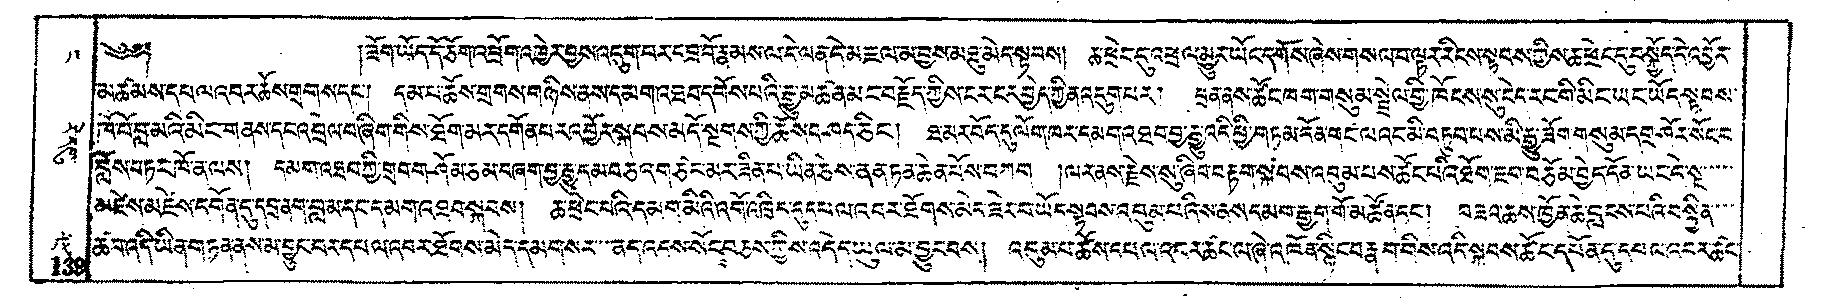༄༅། །ཟོག་ཡོད་དོ་ཅོག་འཕྲོག་འཁྱེར་བྱས་འདུག་པར་དགྲ་བོ་རྣམས་ལ་དེ་ལན་དེ་མཇལ་མ་བྱས་མཐུ་མེད་སྟབས། ཆ་ཕྲེང་དུ་འཕྲལ་མྱུར་ཡོང་དགོས་ཞེས་གསལ་བ་ལྟར་རིངས་སྟབས་ཀྱིས་ཆ་ཕྲེང་དུ་བསྐྱོད་དེ་འབྱོར་
མཚམས་དཔལ་འབར་ཆོས་གྲགས་དང་། དམ་པ་ཆོས་གྲགས་གཉིས་ནས་དམག་འཐབ་དགོས་པའི་རྒྱུ་མཚན་མང་བརྗོད་ཀྱིས་ངར་ངར་བྱེད་ཀྱིན་འདུག་པར། ཕྲན་ནས་ཚོང་ཁག་གསུམ་སྦྲེལ་གྱི་ཁོངས་སུ་ངེད་རང་གི་མིང་ཡང་ཡོད་སྟབས་
ཁོ་བོ་བླ་མའི་མིང་གནས་དང་འབྲེལ་བ་ཞིག་གིས་ཐོག་མར་དགོན་པར་འབྱོར་སྐབས་མདོ་སྔགས་ཀྱི་ཆོས་བཤད་ཅིང་། ཐ་མར་བོད་དུ་ལོག་ཁར་དམག་འཐབ་བྱ་རྒྱུ་འདི་ཕྱི་གཏམ་དོན་གང་ལའང་མི་བཏུབ་པས་མི་རྒྱུ་ཟོག་གསུམ་དགྲ་ཤོར་སོང་བ་
བློས་བཏང་ཁོ་ན་ལས། དམག་འཐབ་ཀྱི་གྲབ་གཤོམ་ཅམ་བཞག་བྱ་རྒྱུ་དམ་བཅའ་གཙང་མར་ཟིན་པ་ཡིན་ཅེས་ནན་ཏན་ཆེན་པོས་བཀག །ལར་ནས་རྗེས་སུ་ཞིབ་བརྟག་སྐབས་འབུམ་པས་ཚོང་པའི་ཐོག་ཇག་བཅོམ་བྱེད་དོན་ཡང་དེ་སྔ་
མཛེས་མཛེས་དགོན་དུ་དབྲ་ནག་བླ་མ་དང་དམག་འཐབ་སྐབས། ཆ་ཕྲེང་པའི་དམག་མིའི་འགོ་འཁྲིད་དུ་དཔལ་འབར་ཐོགས་མེད་ཟེར་བ་ཡོད་སྟབས་འབུམ་པའི་ས་ནས་དམག་རྒྱག་གོ་མཚོན་དང་། བཟའ་ཆས་ཁྱོན་ཆེ་བླངས་པའི་བསྐྱིན་
ཚབ་འདི་ཡིན་གཏན་ནས་མ་བྱུང་བར་དཔལ་འབར་ཐོགས་མེད་དམག་སར་ནད་འདས་སོང་བ་བཅས་ཀྱིས་འདེད་ཡུལ་མ་བྱུང་བས། འབུམ་པ་ཚོས་དཔལ་འབར་ཚང་ལ་ཞེ་འཁོན་སྙིང་བརྣག་གིས་འདི་སྐབས་ཚོང་དཔོན་དུ་དཔལ་འབར་ཚང་